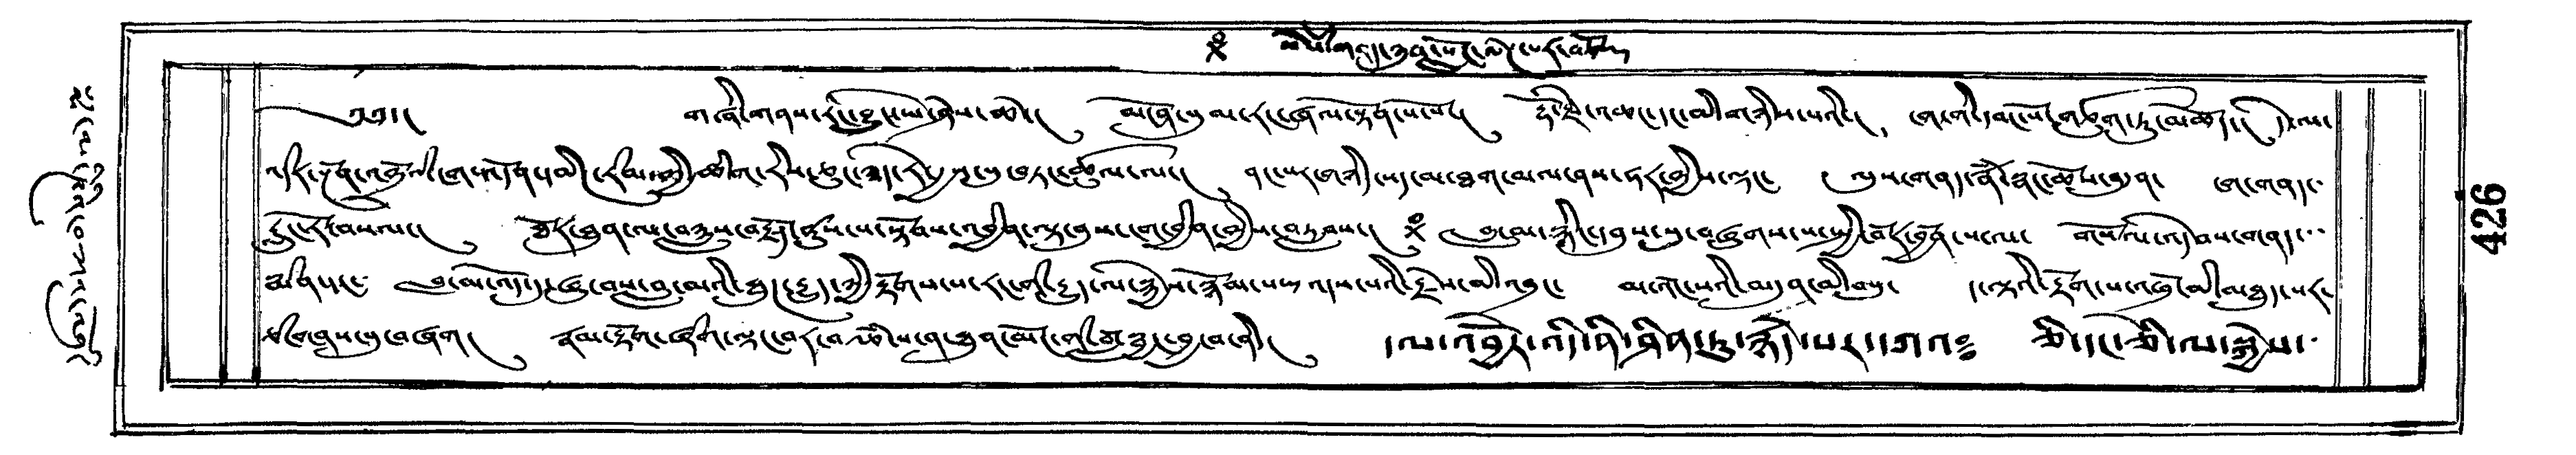གཞི་གནས་རང་བྱུང་ཡེ་ཤེས་ཆེ། །མངོན་སུམ་རང་ཞལ་སྟོན་པ་པོ། །རྡོ་རྗེ་འཆང་དང་མི་གཉིས་པའི། །ངག་གི་དབང་པོ་གཙུག་ཏུ་མཆོད། དེ་ལ་
འདིར་སྔོན་འགྲོའི་ངག་འདོན་དམིགས་རིམ་གྱི་ཚིག་རིས་ཅུང་ཟད་རེ་རྒྱས་སུ་གཏོང་ཚུལ་ལ། ནངས་པར་གཉིད་སད་མ་ཐག་མལ་ནས་ཧར་གྱིས་ལྡང་། ལུས་གནད་རྣམ་སྣང་ཆོས་བདུན། ངག་གནད་
རླུང་རོ་བསལ། སེམས་གནད་ཀུན་སློང་ལེགས་པར་བཅོས། ཐོར་ཐུན་ལ་བཟླས་བརྗོད་ནུས་པ་སྟོབས་འབྱིན་ལྟ་བུས་ངག་བྱིན་གྱིས་བརླབ། བླ་མ་སྙིང་དབུས་སུ་བཞུགས་པ་སྤྱི་བོར་བྱོན་པ་ལ། གསོལ་འདེབས་གནད་
སྨིན་དང་། བླ་མ་འོད་དུ་ཞུ་བས་བླ་མའི་ཐུགས་རྒྱུད་ཀྱི་རྟོགས་པ་རང་གི་རྒྱུད་ལ་སྐྱེས་སྙམ་པས་འདས་པའི་རྗེས་མི་འབྲང་། མ་འོངས་པའི་མདུན་མི་བསུ། ད་ལྟའི་རྟོག་པ་འཕྲོ་མི་མཐུད་པར་
ཅི་གནས་སུ་བཞག རྣམ་རྟོག་ཞིག་ལྡང་བར་རྩོམ་པ་ན་ཐུན་མོང་གི་བློ་སྦྱོང་བྱ་བ་ནི། དལ་འབྱོར་འདི་ནི་ཤིན་ཏུ་རྙེད་པར་དཀའ༔ ཅི་དང་ཅི་ལ་སྐྱེས་